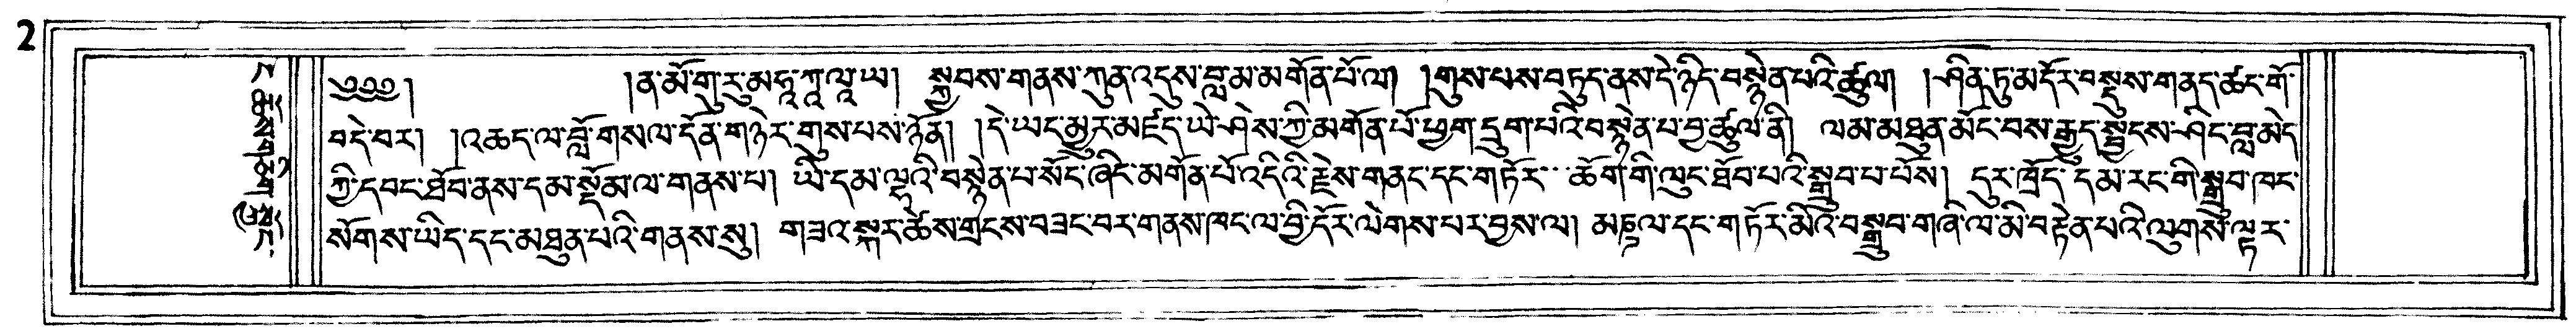༄༅༅། །ན་མོ་གུ་རུ་མཧཱ་ཀཱ་ལཱ་ཡ། སྐྱབས་གནས་ཀུན་འདུས་བླ་མ་མགོན་པོ་ལ། །གུས་པས་བཏུད་ནས་དེ་ཉིད་བསྙེན་པའི་ཚུལ། །ཤིན་ཏུ་མདོར་བསྡུས་གནད་ཚང་གོ་
བདེ་བར། །འཆད་ལ་བློ་གསལ་དོན་གཉེར་གུས་པས་ཉོན། །དེ་ཡང་མྱུར་མཛད་ཡེ་ཤེས་ཀྱི་མགོན་པོ་ཕྱག་དྲུག་པའི་བསྙེན་པ་བྱ་ཚུལ་ནི། ལམ་མཐུན་མོང་བས་རྒྱུད་སྦྱངས་ཤིང་བླ་མེད་
ཀྱི་དབང་ཐོབ་ནས་དམ་སྡོམ་ལ་གནས་པ། ཡི་དམ་ལྷའི་བསྙེན་པ་སོང་ཞིང་མགོན་པོ་འདིའི་རྗེས་གནང་དང་གཏོར་ཆོག་གི་ལུང་ཐོབ་པའི་སྒྲུབ་པ་པོས། དུར་ཁྲོད་དམ་རང་གི་སྒྲུབ་ཁང་
སོགས་ཡིད་དང་མཐུན་པའི་གནས་སུ། གཟའ་སྐར་ཚེས་གྲངས་བཟང་བར་གནས་ཁང་ལ་བྱི་དོར་ལེགས་པར་བྱས་ལ། མཎྜལ་དང་གཏོར་མའི་བསྒྲུབ་གཞི་ལ་མི་བརྟེན་པའི་ལུགས་ལྟར་